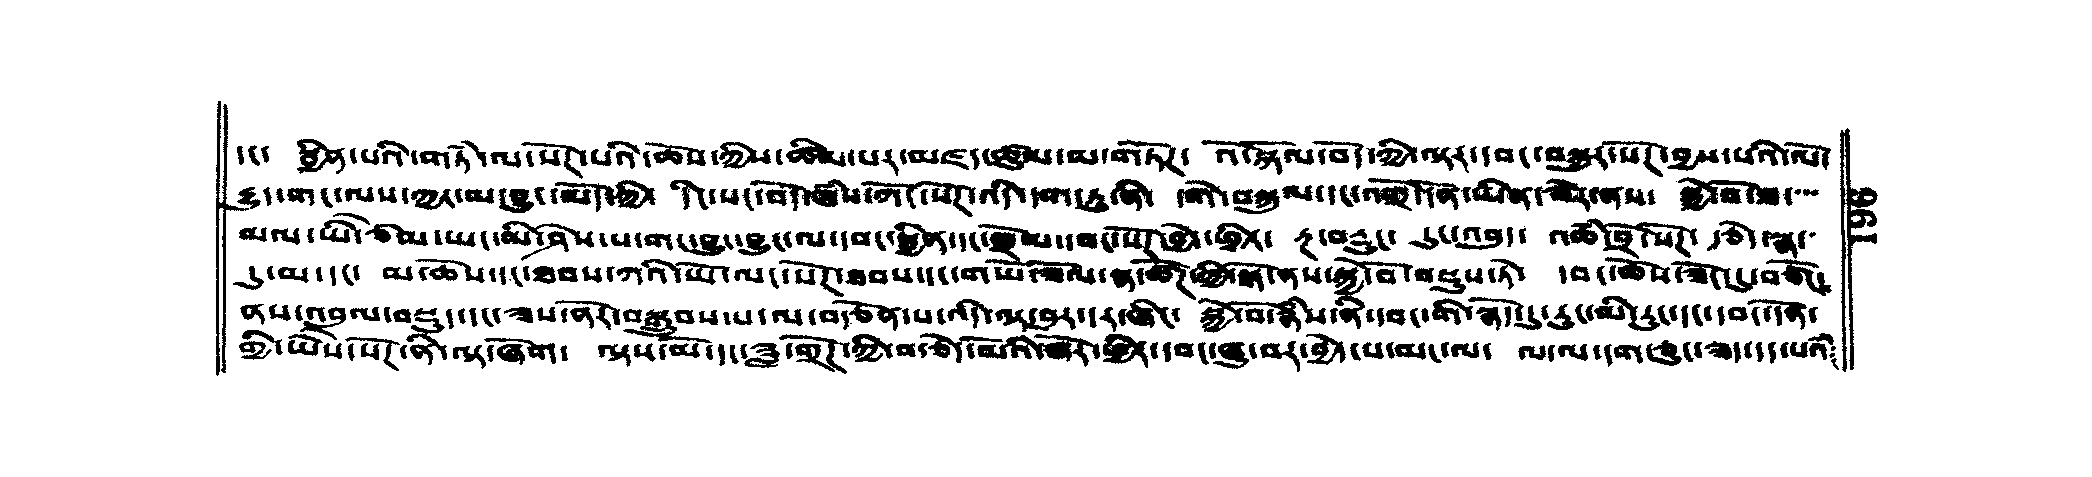དང་། སྦྱིན་པའི་གཏམ་ལ་སོགས་པའི་ཆོས་ཀྱིས་ཚིམ་པར་མཛད་ཚུལ་མ་གཏོགས། འོ་སྐོལ་བོད་ཀྱི་ལྟར་དབང་བསྐུར་སོགས་བྱས་པའི་ལོ་
རྒྱུས་གང་ལས་ཀྱང་མ་བྱུང་མོད་ཀྱི། དིང་སང་བོད་ཁམས་ཀོང་སོགས་འདི་དག་ཏུ་ནི། དགེ་བསྐུལ་དང་འགྲོ་དོན་ཡིན་ཟེར་ནས།སྐྱེ་བོ་ཐ་
མལ་ཡི་གེ་ཙམ་ཡང་མི་ཤེས་པ་གང་བྱུང་བྱུང་ལ་དབང་སྦྱིན་དང་ཁྲོམ་དབང་སོགས་བྱེད་ཕྱིར། རྔ་བརྡུང་། དུང་འབུད། འཆམ་བྲོ་སོགས་རྩེད་སྣ་
དུ་མ་དང་། མི་ཆོས་དང་ཐབས་ཀའི་ཡོ་ལང་སོགས་ཐབས་དང་གཡོ་ཟོལ་སྣ་ཚོགས་ཀྱི་སྒོ་ནས་སྐྱེ་བོ་བསྡུས་ཏེ། དབང་ཆོས་ཟོང་དུ་བཙོངས་
ནས་འབུལ་བསྡུད་དང་ཟས་ནོར་བསྒྲུབ་པ་ལ་བརྩོན་པ་འདི་ལྟ་བུར་དར་ཞིང་། སྐྱེ་བོ་རྣམས་ནི་དབང་གི་སྣོད་དུ་རུང་མི་རུང་དང་དབང་དོན་
གྱི་ཡེ་ཤེས་སོགས་ནི་ལྟ་ཞོག ལྟད་མོ་དང་ཟླ་གྲོགས་ཀྱི་རྩེད་མོའི་ཞོར་ཕྱིར་དབང་ཞུ་བར་བྱེད་པ་མང་ལ། ལ་ལ་དག་ཅུང་ཟད་དད་པའམ་